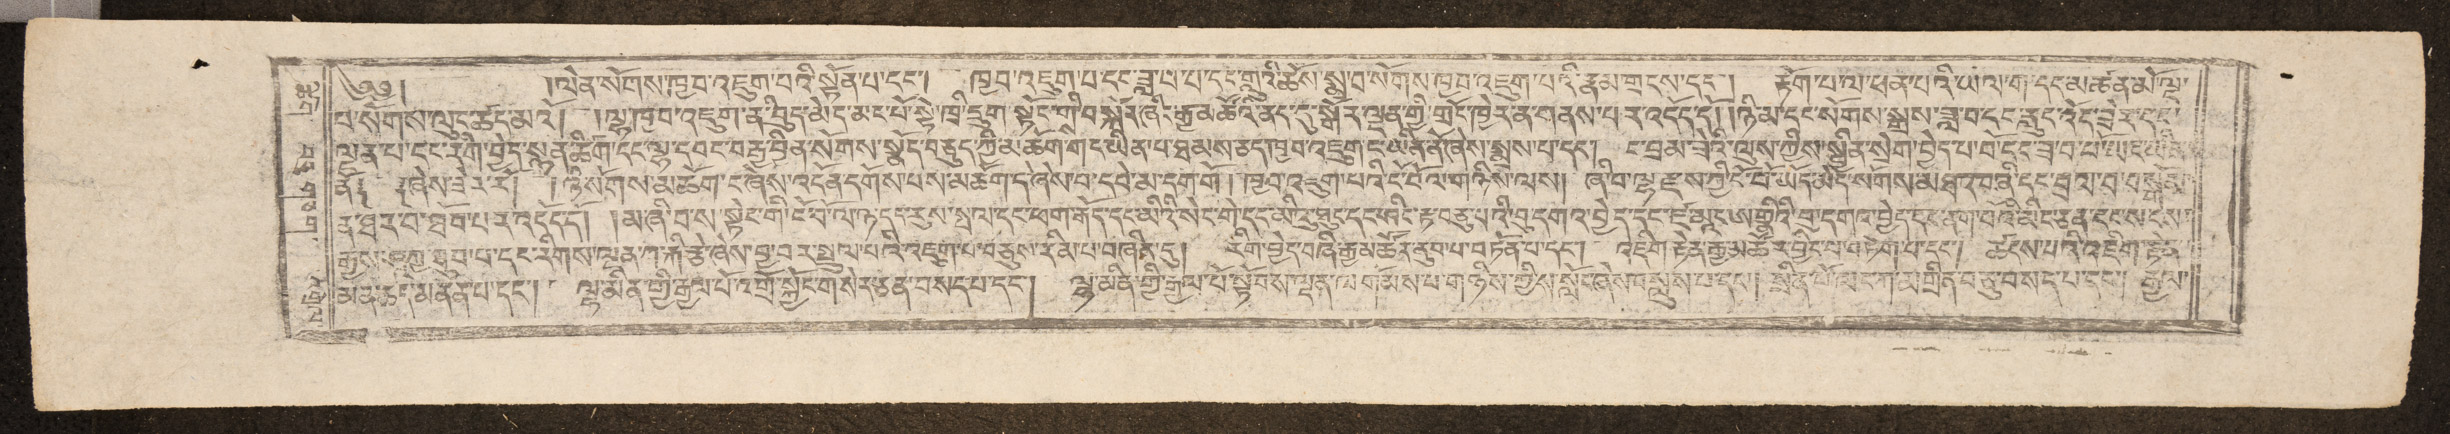༄༅། །ལེན་སོགས་ཁྱབ་འཇུག་པའི་སྟོན་པ་དང་། ཁྱབ་འཇུག་པ་དང་ཟླ་བ་དང་གླུའི་ཆོས་སྨྲ་བ་སོགས་ཁྱབ་འཇུག་པའི་རྣམ་གྲངས་དང་། རྟོག་པ་ལ་ཕན་པའི་ཡལ་ག་དང་མཚན་མོ་ལྔ་
པ་སོགས་ལུང་ཚད་མའོ། །ལྷ་ཁྱབ་འཇུག་ནི་བུད་མེད་མང་པོ་སྟེ་ཁྲི་དྲུག་སྟོང་གིས་བསྐོར་ཞིང་རྒྱ་མཚོའི་ནད་དུ་སྒོར་ལྡན་གྱི་གྲོང་ཁྱེར་ན་གནས་པར་འདོད་དོ། །ཉི་མ་དང་སོགས་སྒྲས་ཟླ་བ་དང་རླུང་འོད་ཟེར་དང་
ལྡན་པ་དང་རིག་བྱེད་སྙན་ཚིག་དང་ལྷ་དབང་བརྒྱ་བྱིན་སོགས་སྣོད་བཅུད་ཀྱི་མཆོག་གང་ཡིན་པ་ཐམས་ཅད་ཁྱབ་འཇུག་ང་ཡིན་ནོ་ཞེས་སྨྲས་པ་དང་། ང་བྲམ་ཟེའི་ལུས་ཀྱིས་སྦྱིན་སྲེག་བྱེད་པ་པོ་དང་ཟ་བ་པོ་ཡང་ཡིན་
ནོ༑ ༑ཞེས་ཟེར་རོ། །ཉི་སོགས་མཆོག་ང་ཞེས་འདོན་དགོས་པས་མཆོག་དེ་ཞེས་པ་དཔེ་མ་དག་གོ །ཁྱབ་འཇུག་པའི་ངོ་བོ་ལ་གཉིས་ལས། ཞི་བ་ལྷ་རྫས་ཀྱི་ངོ་བོ་ཡོད་མེད་སོགས་མཐའ་བཞི་དང་བྲལ་བ་བསྒོམ་
ན་ཐར་བ་ཐོབ་པར་འདོད་དོ། །མ་ཞི་བ་ས་སྟེང་གི་ངོ་བོ་ལ་ཉ་དང་རུས་སྤལ་དང་ཕག་རྒོད་དང་མིའི་སེང་གེ་དང་མིའི་ཐུང་དང་ཤིང་རྟ་བཅུ་པའི་བུ་དགའ་བྱེད་དང་ཛ་མཱ་ང་ཨགནིའི་བུ་དགའ་བྱེད་དང་ནག་པོའི་མིང་ཅན་དང་སངས་
རྒྱས་ཤཱཀྱ་ཐུབ་པ་དང་རིགས་ལྡན་ཀ་རྐི་རྩེ་ཞེས་བྱ་བར་སྤྲུལ་པའི་འཇུག་པ་བཅུས་རིམ་པ་བཞིན་དུ། རིག་བྱེད་བཞི་རྒྱ་མཚོར་ནུབ་པ་བཏོན་པ་དང་། འཇིག་རྟེན་རྒྱ་མཚོར་བྱིང་པ་བཏེག་པ་དང་། ཚངས་པའི་འཇིག་རྟེན་
མན་ཆད་མནན་པ་དང་། ལྷ་མིན་གྱི་རྒྱལ་པོ་འགྲོ་སྐྱོང་གསེར་ཅན་བསད་པ་དང་། ལྷ་མིན་གྱི་རྒྱལ་པོ་སྟོབས་ལྡན་ལ་གོམས་པ་གཉིས་ཀྱི་ས་སློང་ཞེས་བསླུས་པ་དང་། སྲིན་པོ་ལང་ཀ་མགྲིན་བཅུ་བསད་པ་དང་། རྒྱལ་